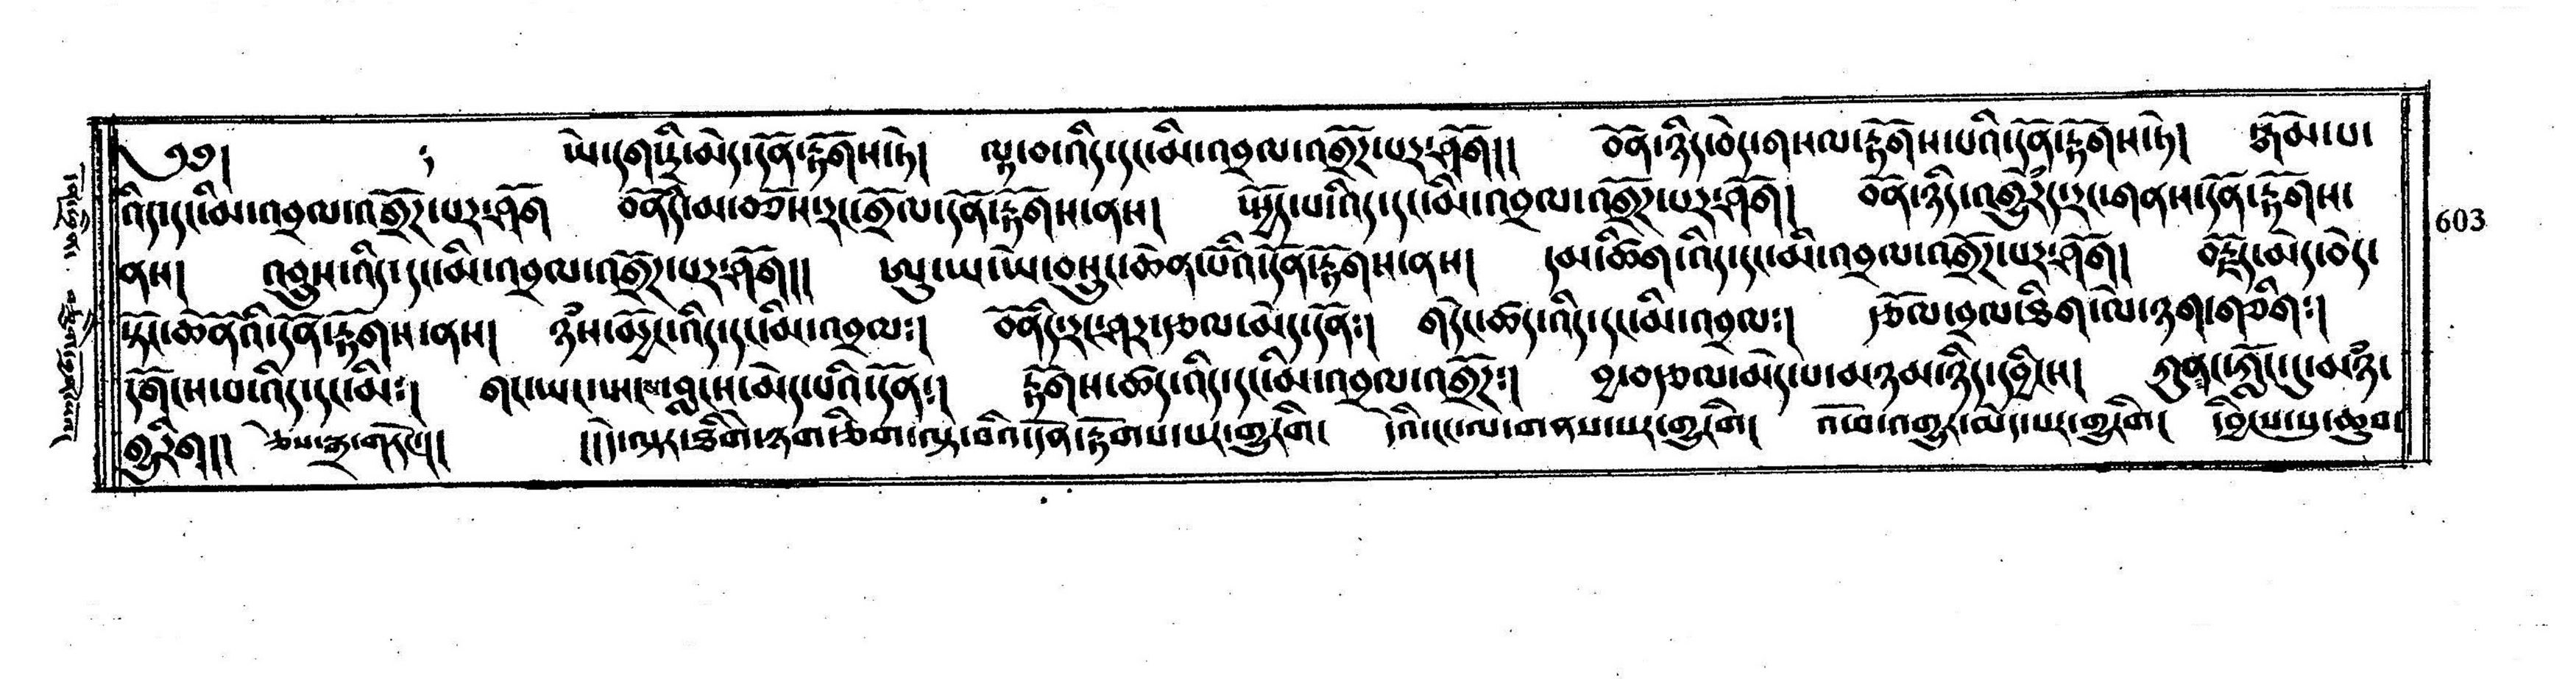ཡེ་དག་དྲི་མེད་དོན་རྟོགས་ཏེ། ལྟ་བ་འདི་དང་མི་འབྲལ་འགྲོགས་པར་ཤོག །། བོན་ཉིད་བདེ་གསལ་རྟོགས་པའི་དོན་རྟོགས་ཏེ། སྒོམ་པ་
འདི་དང་མི་འབྲལ་འགྲོགས་པར་ཤོག བོན་ཉིད་མ་བཅོས་རང་གྲོལ་དོན་རྟོགས་ནས། སྤྱོད་པ་འདི་དང་མི་འབྲལ་འགྲོགས་པར་ཤོག བོན་ཉིད་འགྱུར་མེད་རང་གནས་དོན་རྟོགས་
ནས། འབྲས་བུ་འདི་དང་མི་འབྲལ་འགྲོགས་པར་ཤོག །། ཨུ་ཡ་ཡེ་བསྲུང་ཆེན་པོའི་དོན་རྟོགས་ནས། དམ་ཚིག་འདི་དང་མི་འབྲལ་འགྲོགས་པར་ཤོག བརྗོད་མེད་བདེ་
སྟོང་ཆེན་པོའི་དོན་རྟོགས་ནས། ཉམས་མྱོང་འདི་དང་མི་འབྲལ༴། བོན་ཉིད་རང་ཤར་རྩལ་མེད་དོན༴། གདེང་ཚད་འདི་དང་མི་འབྲལ༴། རྩོལ་བྲལ་ཐིག་ལེ་ཉག་གཅིག༴། 
དགོངས་པ་འདི་དང་མི༴། གང་ཡང་སྤང་བླངས་མེད་པའི་དོན༴། རྟོགས་ཚད་འདི་དང་མི་འབྲལ་འགྲོགས༴། བྱ་བརྩལ་མེད་པ་མཉམ་ཉིད་དབྱིངས། ཀུན་བཟང་ཀློང་དུ་མཉམ་
གྱུར་ཅིག ཅེས་སྒྲ་གཏོང་། །།དེ་ལྟར་ཐིག་ལེ་ཉག་ཅིག་ལྟ་བའི་དོན་རྟོགས་པར་གྱུར་ཅིག དེའི་ངང་ལ་གནས་པར་གྱུར་ཅིག འཕོ་འགྱུར་མེད་པར་གྱུར་ཅིག དབྱིངས་སུ་ཆུབ་